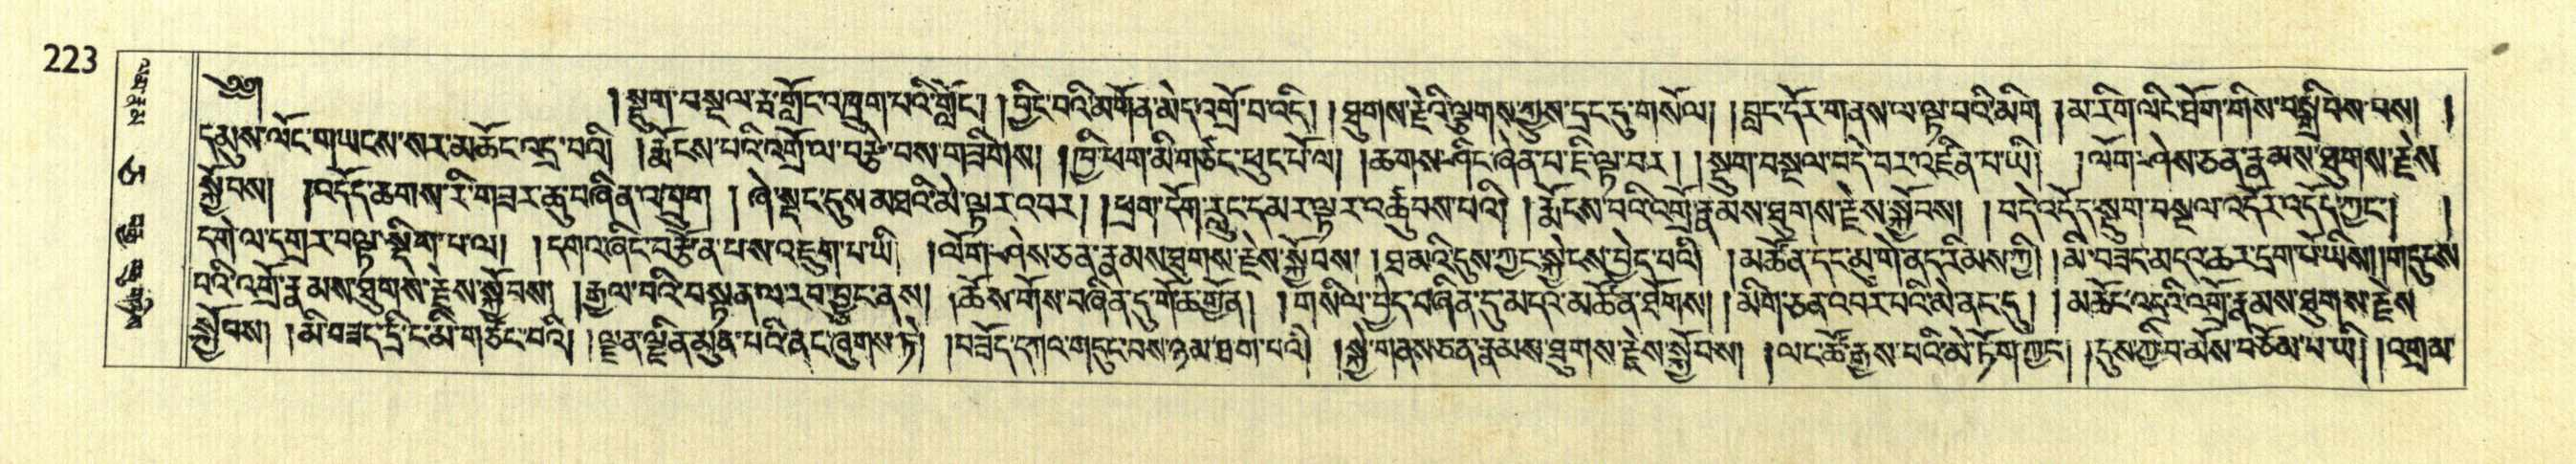༄༅། །སྡུག་བསྔལ་རྦ་གློང་འཁྲུག་པའི་གློང་། །བྱིང་བའི་མགོན་མེད་འགྲོ་བ་འདི། །ཐུགས་རྗེའི་ལྕགས་ཀྱུས་དྲང་དུ་གསོལ། །བླང་དོར་གནས་ལ་ལྟ་བའི་མིག །མ་རིག་ལིང་ཐོག་གིས་བསྒྲིབས་པས། །
དམུས་ལོང་གཡངས་སར་མཆོང་འདྲ་བའི། །རྨོངས་པའི་འགྲོ་ལ་བརྩེ་བས་གཟིགས། །ཁྱི་ཕག་མི་གཙང་ཕུང་པོ་ལ། །ཆགས་ཤིང་ཞེན་པ་ཇི་ལྟ་བར། །སྡུག་བསྔལ་བདེ་བར་འཛིན་པ་ཡི། །ལོག་ཤེས་ཅན་རྣམས་ཐུགས་རྗེས་
སྐྱོབས། །འདོད་ཆགས་རི་གཟར་ཆུ་བཞིན་འཁྲུག །ཞེ་སྡང་དུས་མཐའི་མེ་ལྟར་འབར། །ཕྲག་དོག་རླུང་དམར་ལྟར་འཚུབས་པའི། །རྨོངས་བའི་འགྲོ་རྣམས་ཐུགས་རྗེས་སྐྱོབས། །བདེ་འདོད་སྡུག་བསྔལ་འདོར་འདོད་ཀྱང་། །
དགེ་ལ་དགྲར་བལྟ་སྡིག་པ་ལ། །དགའ་ཞིང་བརྩོན་པས་འཇུག་པ་ཡི། །ལོག་ཤེས་ཅན་རྣམས་ཐུགས་རྗེས་སྐྱོབས། །ཐ་མའི་དུས་ཀྱང་སྐྱེངས་བྱེད་པའི། །མཚོན་དང་མུ་གེ་ནང་རིམས་ཀྱི། །མི་བཟང་མདའ་ཆར་དྲག་པོ་ཡིས། །གདུངས་
བའི་འགྲོ་རྣམས་ཐུགས་རྗེས་སྐྱོབས། །རྒྱལ་བའི་བསྟན་ལ་རབ་བྱུང་ནས། །ཆོས་གོས་བཞིན་དུ་གོ་ཆ་གྱོན། །གསིལ་བྱེད་བཞིན་དུ་མདའ་མཚོན་ཐོགས། །མིག་ཅན་འབར་བའི་མེ་ནང་དུ། །མཆོང་འདྲའི་འགྲོ་རྣམས་ཐུགས་རྗེས་
སྐྱོབས། །མི་བཟད་དྲི་ང་མི་གཙང་པའི། །ལྗན་ལྗིན་མུན་པའི་ནང་ཞུགས་ཏེ། །བཟོད་དཀའ་གདུང་བས་ཉམ་ཐག་པའི། །སྐྱེ་གནས་ཅན་རྣམས་ཐུགས་རྗེས་སྐྱོབས། །ལང་ཚོ་རྒྱས་པའི་མེ་ཏོག་ཀྱང་། །དུས་ཀྱི་བ་མོས་བཅོམ་པ་ཡི། །འགྲམ་